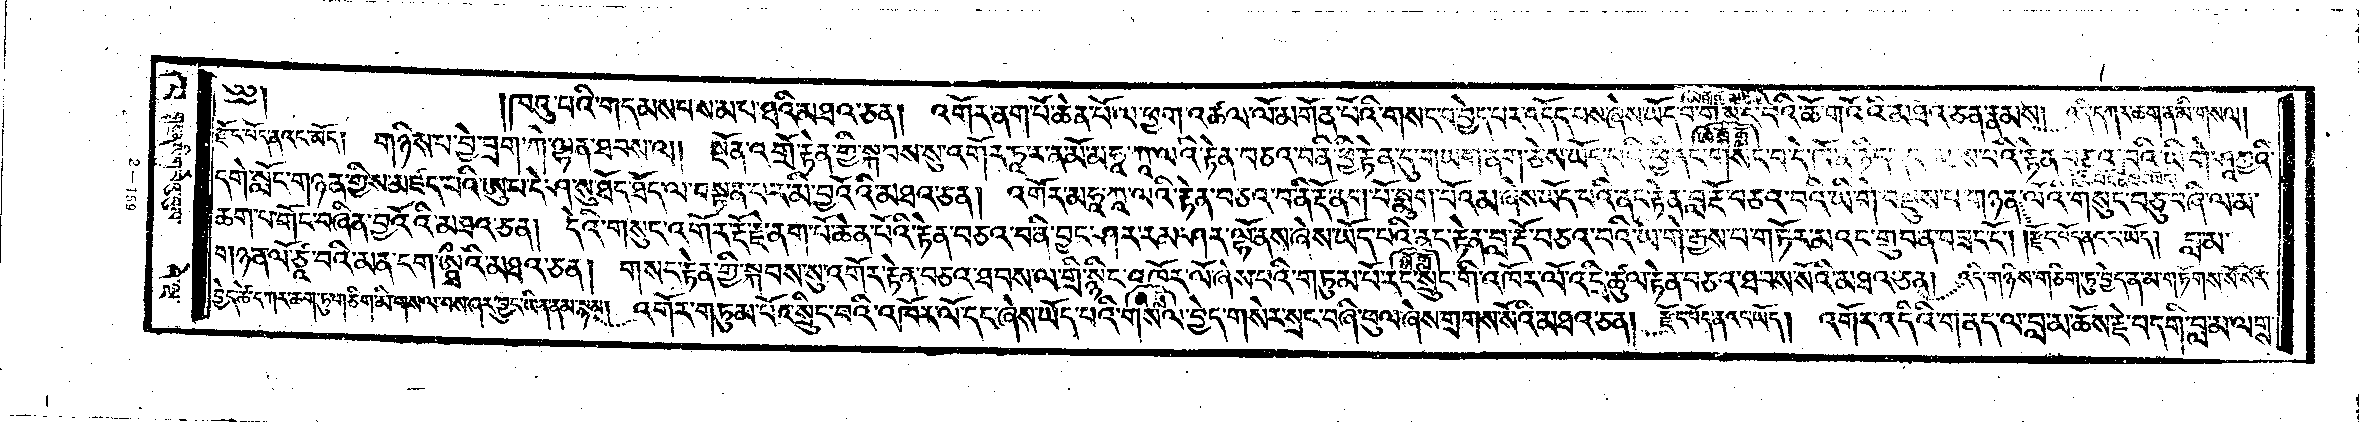༄༅། །ཁའུ་པའི་གདམས་པས་མ་པ་ཐའི་མཐའ་ཅན། འགོར་ནག་པོ་ཆེན་པོ་ལ་ཕྱག་འཚལ་ལོ་མགོན་པོའི་གསང་བ་བྱེད་པར་འདོད་པས་ཞེས་ཡོད་པ་ག་མདོ་བའི་ཆོ་གའོའི་མཐའ་ཅན་རྣམས། འདི་དཀར་ཆག་ན་མི་གསལ། རྫོང་པོད་ནའང་མོད།
གཉིས་པ་བྱེ་བྲག་ཀེ་ལྷན་ཐབས་ལ། སྔོན་འགྲོ་རྟེན་གྱི་སྐབས་སུ་འགོར་ཏཱ་ར་ན་མོ་མཧཱ་ཀཱ་ལའི་རྟེན་བཅའ་བ་ནི་ཕྱི་རྟེན་དུ་གཡག་ནག་ཅེས་ཡོད་པའི་ཕྱི་ནང་གསང་བ་དེ་ཁོ་ན་ཉིད་དང་བཅས་པའི་རྟེན་བཅའ་བའི་ཡི་གེ་ཤཱཀྱའི་
དགེ་སློང་གཉན་གྱིས་མཛད་པའི་ཨུ་པ་དེ་ཤ་སུ་ཐོད་ཐོད་ལ་བསྟན་པར་མི་བྱའོའི་མཐའ་ཅན། འགོར་མཧཱ་ཀ་ལའི་རྟེན་བཅའ་བ་ནི་རྡོ་ནག་པོ་སྨུག་པོའམ་ཞེས་ཡོད་པའི་ནང་རྟེན་བླ་རྡོ་བཅའ་བའི་ཡི་གེ་བསྡུས་པ་གཉན་།རྫོང་པོད་ནའང་ཡོད།  ལོའི་གསུང་བཅུ་བཞི་ལམ་
ཆག་པ་གོང་བཞིན་བྱའོའི་མཐའ་ཅན། དེའི་གསུང་འགོར་རྡོ་རྗེ་ནག་པོ་ཆེན་པོའི་རྟེན་བཅའ་བ་ནི་བྱང་ཤར་རམ་ཤར་ལྷོ་ནས་ཞེས་ཡོད་པའི་ནང་རྟེན་བླ་རྡོ་བཅའ་བའི་ཡི་གེ་རྒྱས་པ་གཏོར་མའང་གྲུབ་ན་བཟང་ངོ། བླ་མ་
གཉན་ལོ་ཙཱ་བའི་མན་ངག་ཨིཐིའི་མཐའ་ཅན། གསང་རྟེན་གྱི་སྐབས་སུ་འགོར་རྟེན་བཅའ་ཐབས་ལ་གྲི་སྙིང་འཁོར་ལོ་ཞེས་པའི་གཏུམ་པོར་རང་སྲུང་གི་འཁོར་ལོ་འདྲི་ཚུལ་རྟེན་བཅའ་ཐབས་སོའི་ཞེས་ཡོད་པའི་ནང་རྟེན་བླ་རྡོ་བཅའ་བའི་ཡི་གེ་རྒྱས་པ་གཏོར་དཀར་ཆག་ཏུ་གཅིག་མི་གསལ་བས་ཞར་བྱུང་ཡིན་ནམ་སྙམ།
འགོར་གཏུམ་པོའི་སྲུང་བའི་འཁོར་ལོ་དང་ཞེས་ཡོད་པའི་གསལ་བྱེད་གསེར་སྲང་བཞི་ཕུལ་ཞེས་གྲགས་སོའི་མཐའ་ཅན་།རྫོང་བོད་ནའང་ཡོད།  འགོར་འདིའི་གནད་ལ་བླ་མ་ཆོས་རྗེ་བདགི་བླ་མ་ལགས་